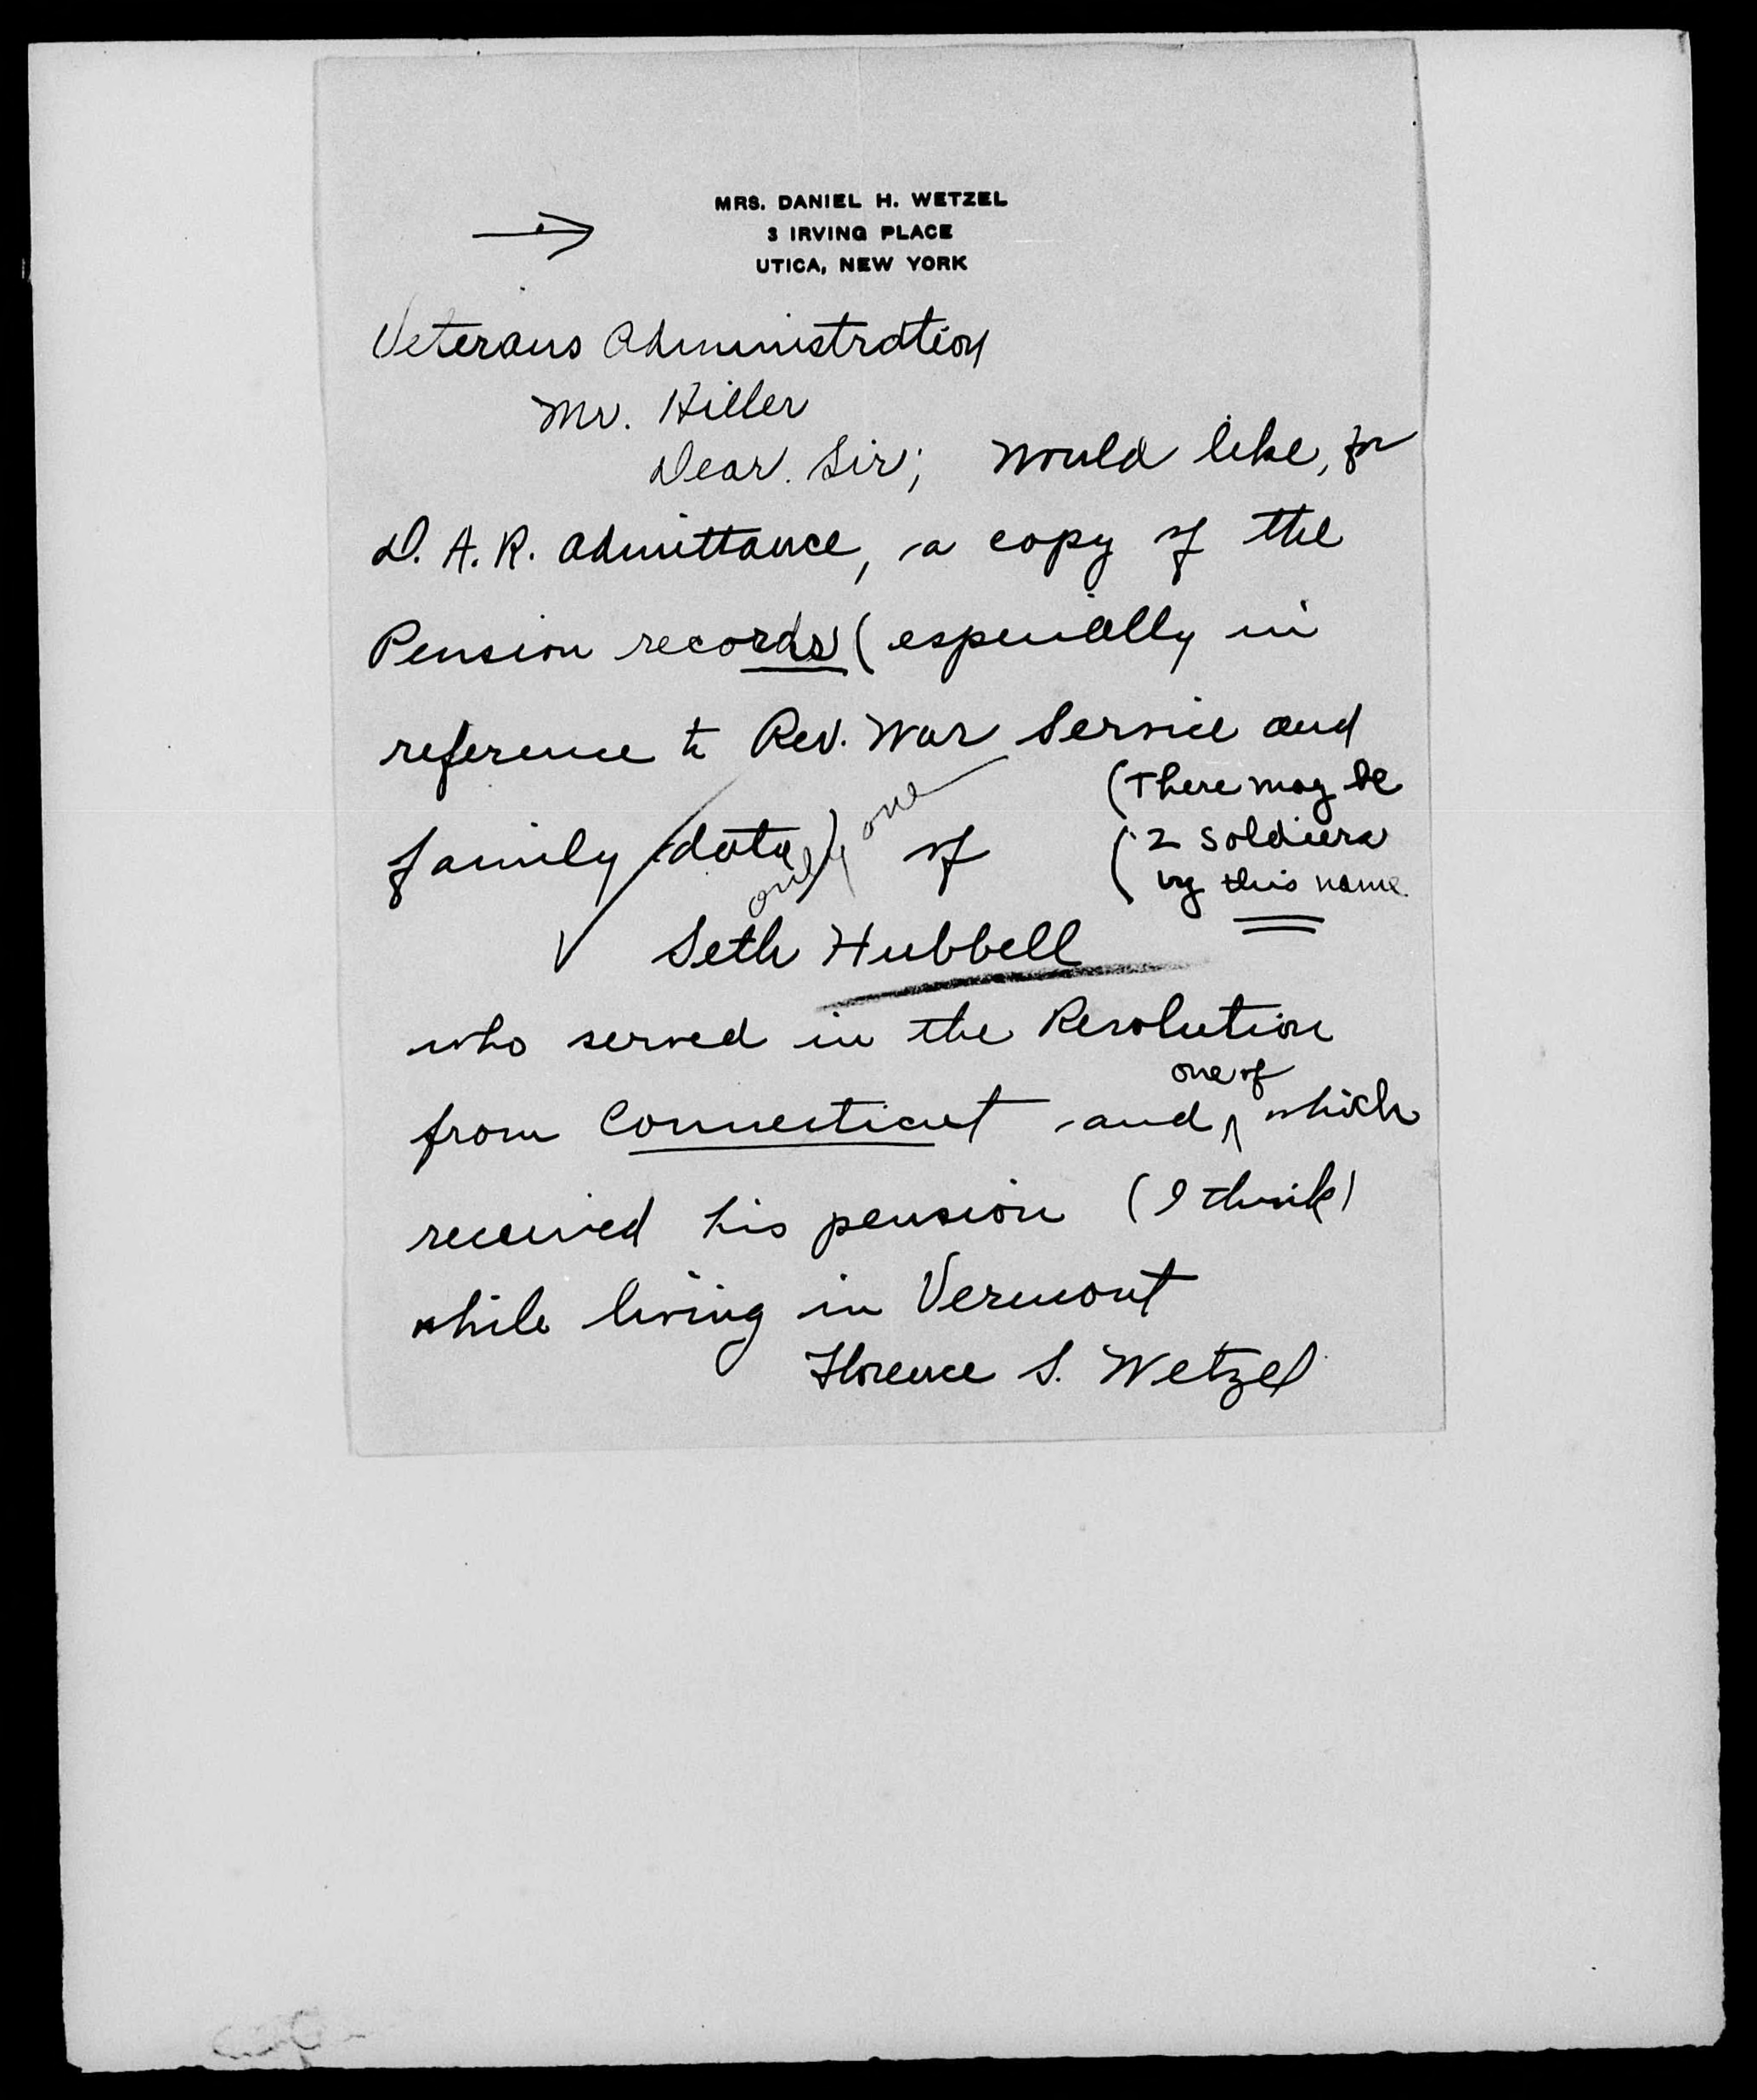Mrs. Daniel H. Wetzel
3 Irving Place
Utica, New York

Veterans Administration
Mr. Hiller
Dear Sir; would like, for D.A.R. [Daughters of the American Revolution] admittance, a copy of the Pension records (especially in reference to Rev. [Revoluntionary] War Sercie and family data of Seth Hubbell (There may be 2 soldiers by this name) who served in the Revolution from Connecticut and one of which received his pension (I think) while living in Vermont

Florence S. Wetzel

[handwritte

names: Seth Hubbell, Daniel H Wetzel, Hiller, Florence S Wetzel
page: 56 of 114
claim: widow's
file: W. 2115, Seth Hubbell, Conn.